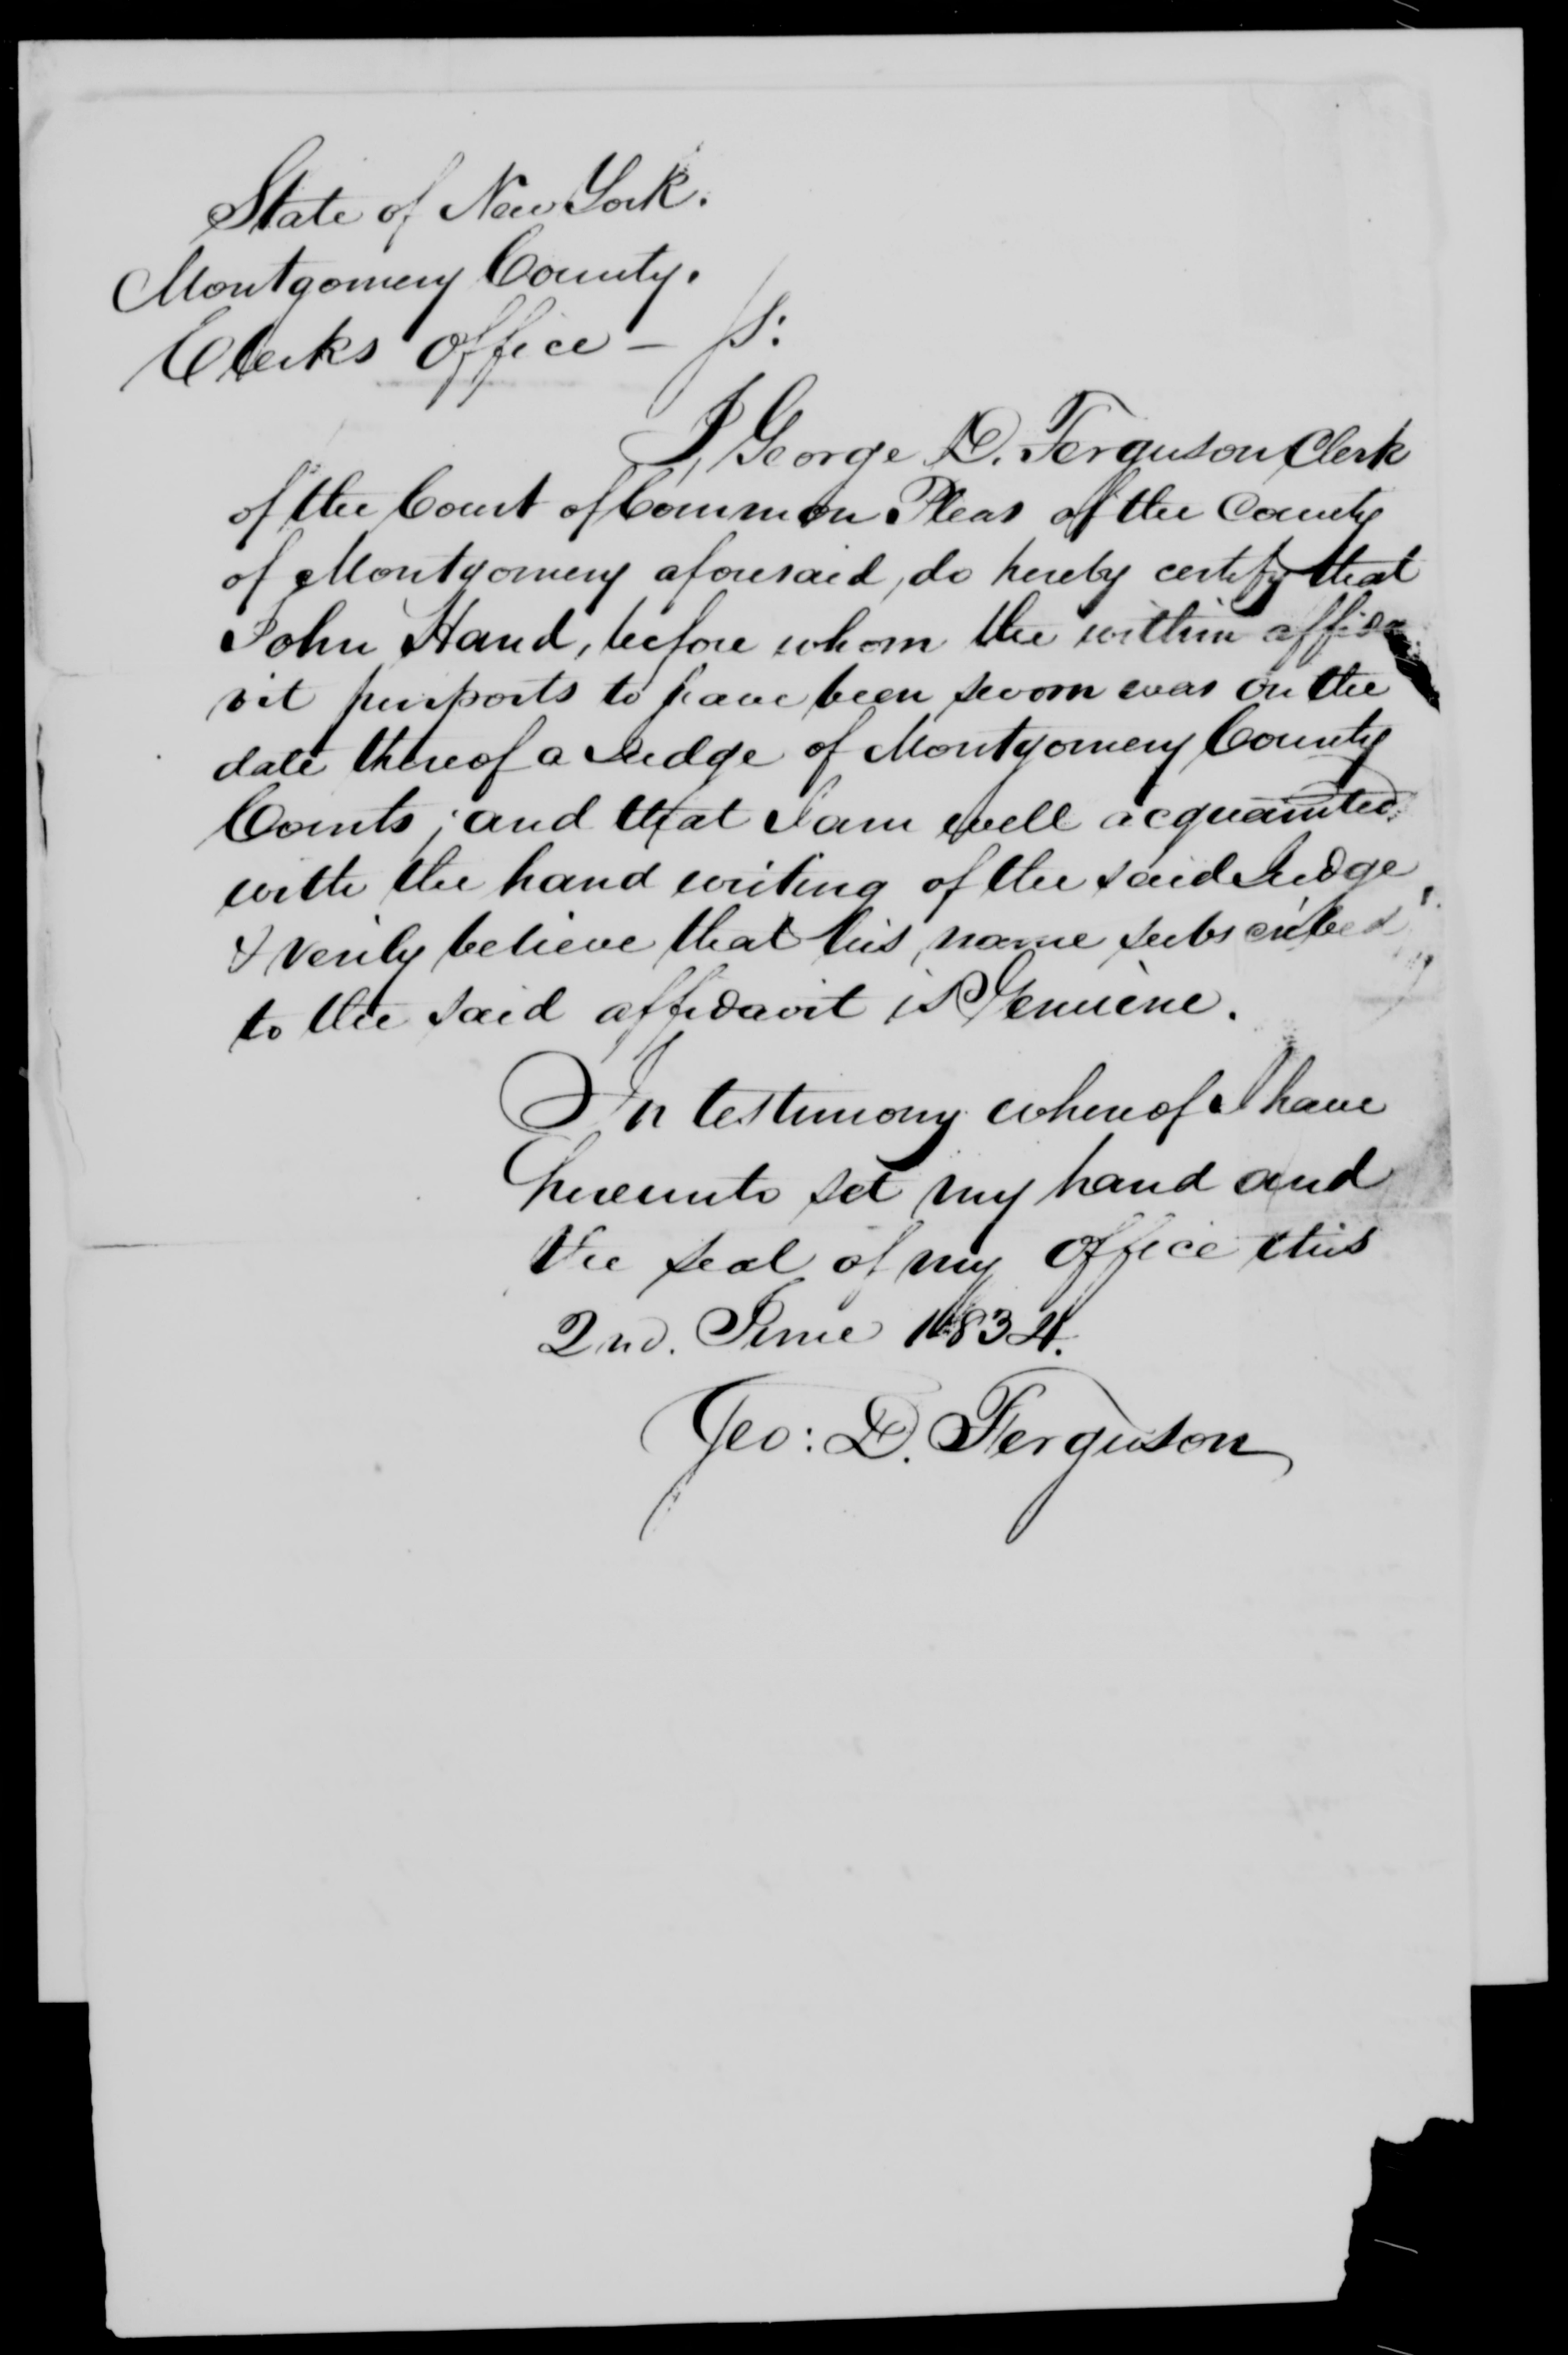State of New York
Montgomery County
Clerks Office-
I George D. Ferguson Clerk
of the Court of Common Pleas of the County
of Montgomery aforesaid, do hereby certify that
John Hand, before whom the within affix
it purports to have been sworn was on the
date thereof a Judge of Montgomery County
Courts, and that I am well acquainted with
the hand writing of the said Judge
& verily believe that his name subscribed
to the said affidavit is Genuine.
In testimony whereof I have
hereunto set my hand and
the seal of my office this
2nd. June 1834
-
Geo: D. Ferguson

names: George D Ferguson, John Hand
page: 48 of 67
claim: widow's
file: W. 7379, George Young, New Jersey